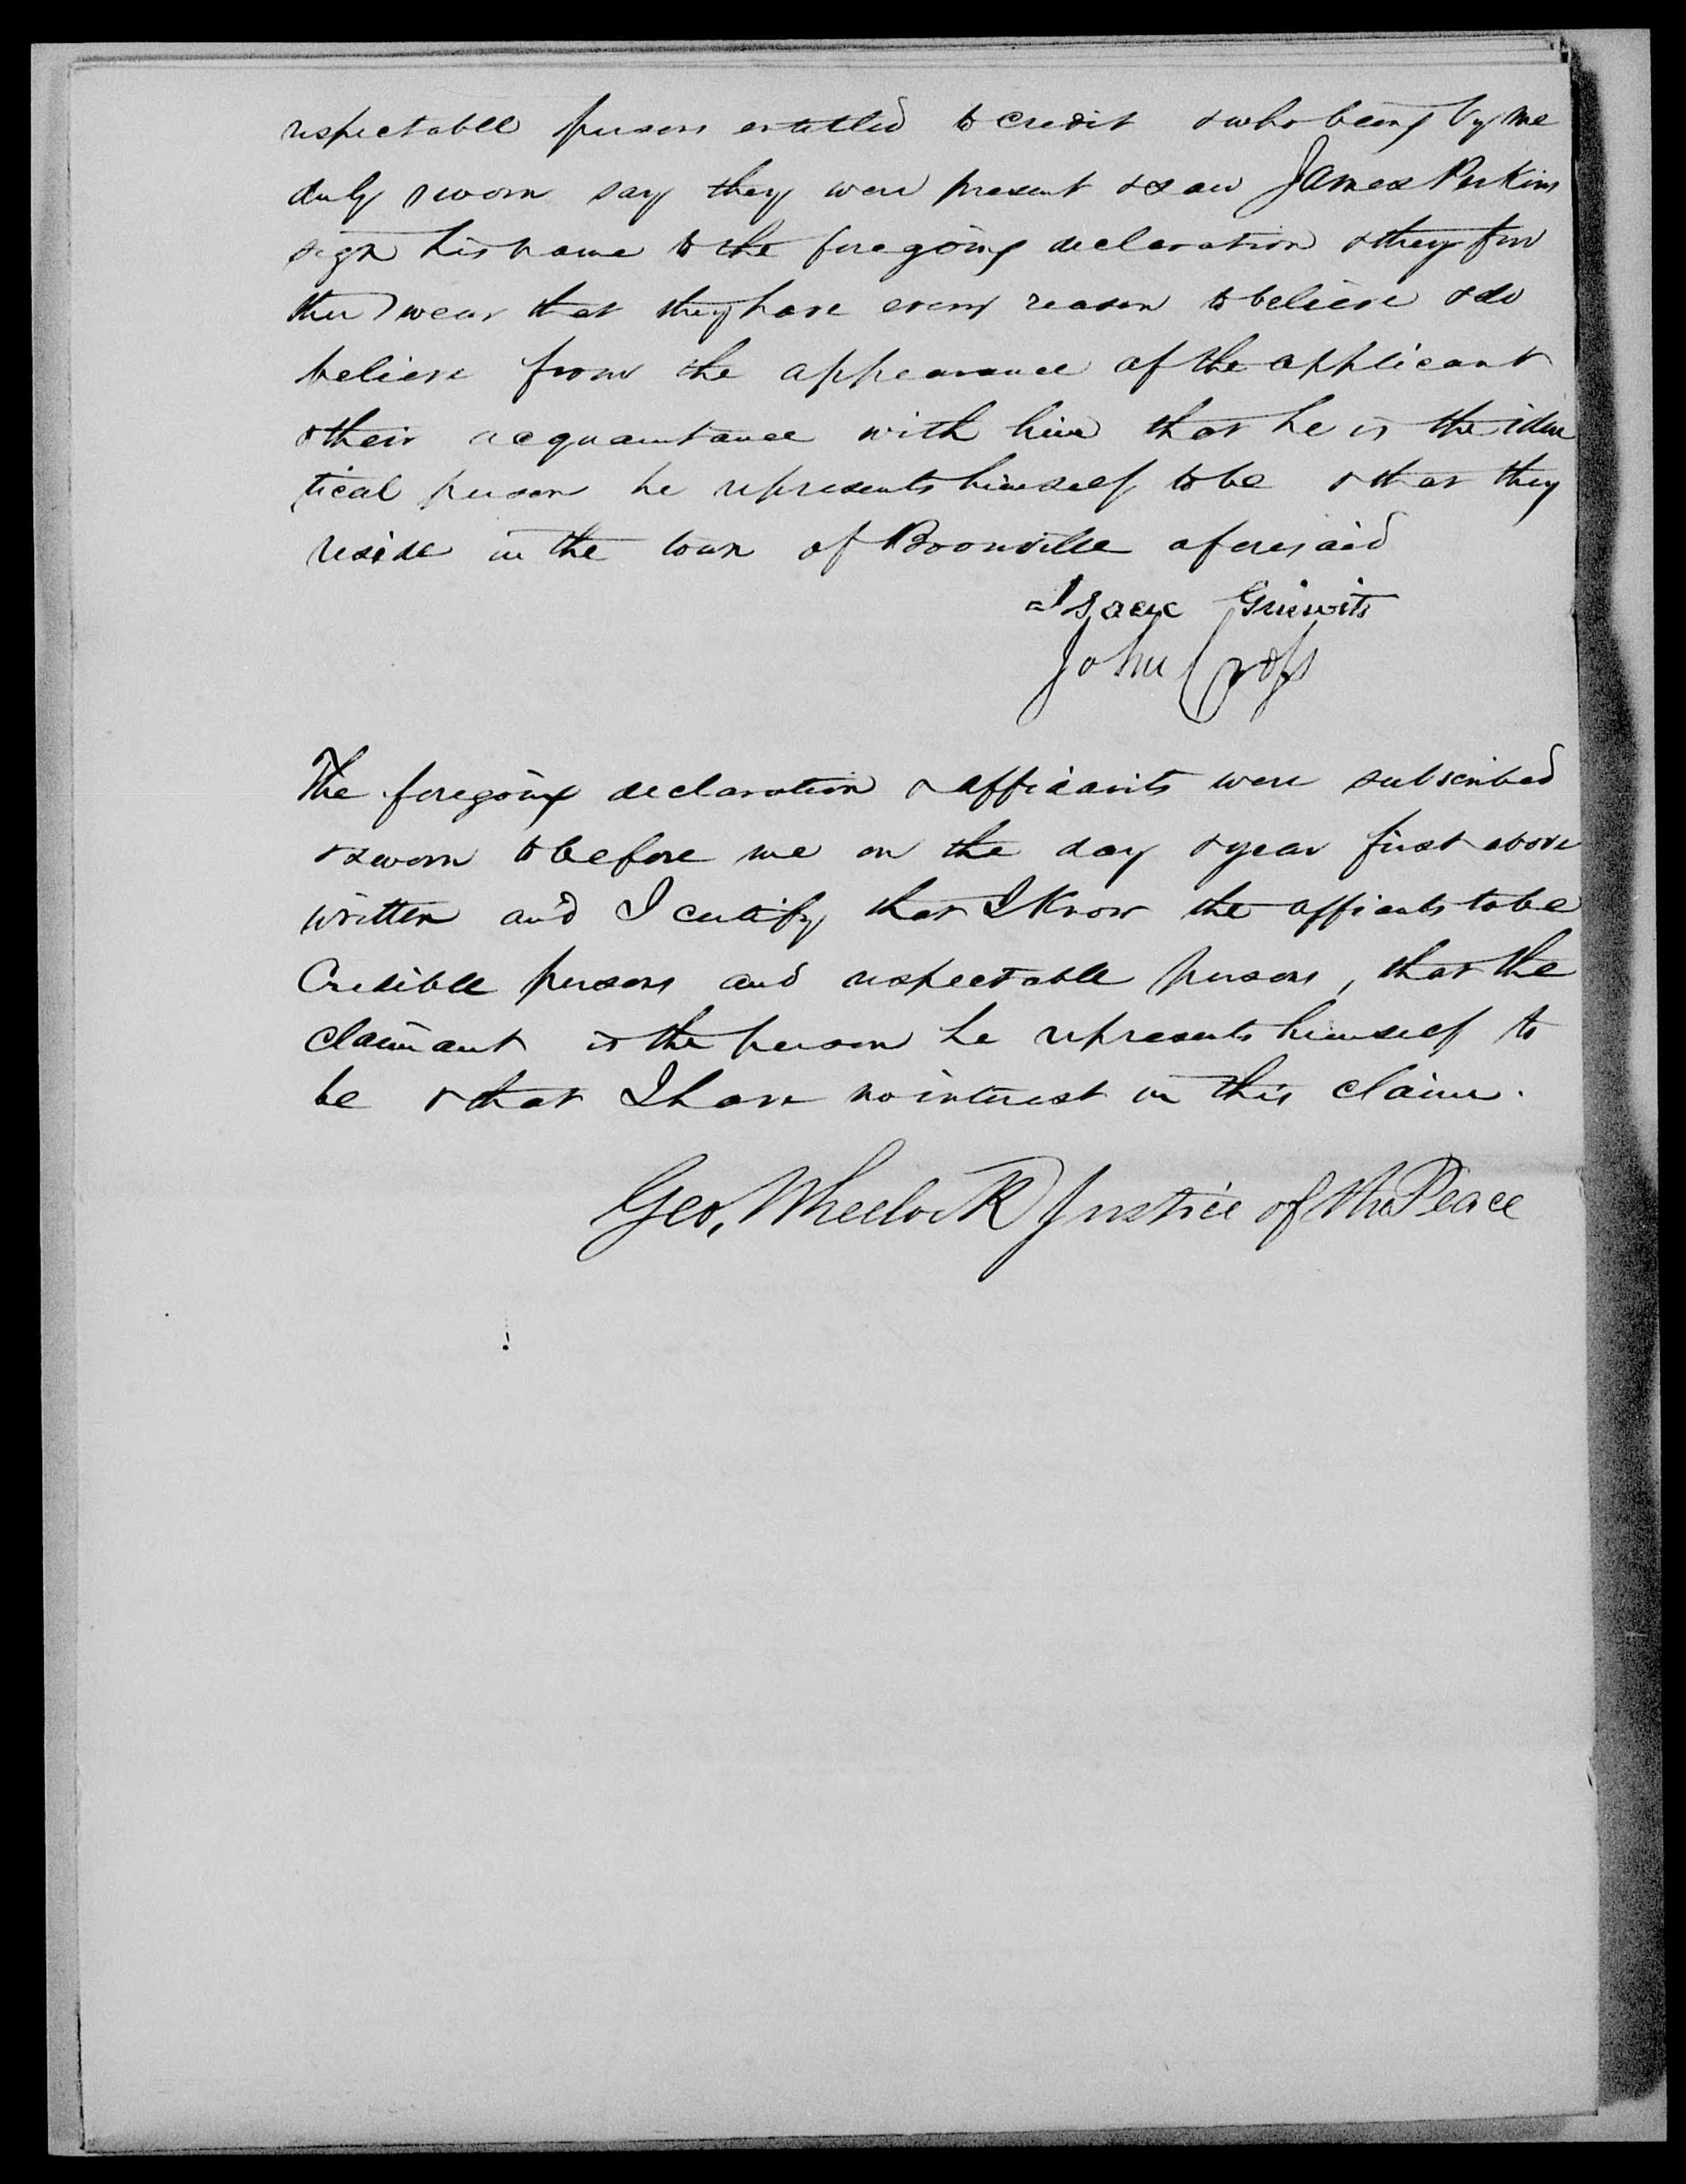respectable persons entitled to credit & who being by me duly sworn say they were present & saw James Perkins sign his name to the foregoing declaration & they further swear that they have every reason to believe & do believe from the appearance of the applicant & their acquaintance with him that he is the identical person he represents himself to be & that they reside in the town of Boonville aforesaid 
[signed] Isaac Guiwits  John Cross 
The foregoing declaration & affidavits were subscribed & sworn to before me on the day & year first above written and I certify that I know the affiants to be Credible persons and respectable persons, that the claimant is the person he represents himself to be & that I have no interest in this claim.
[signed] Geo. Wheelock Justice of the Peace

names: John Cross; Geo Wheelock; James Perkins; Isaac Guiwits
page: 8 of 44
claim: rejected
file: R. 17,033, for Joseph Perkins, New York